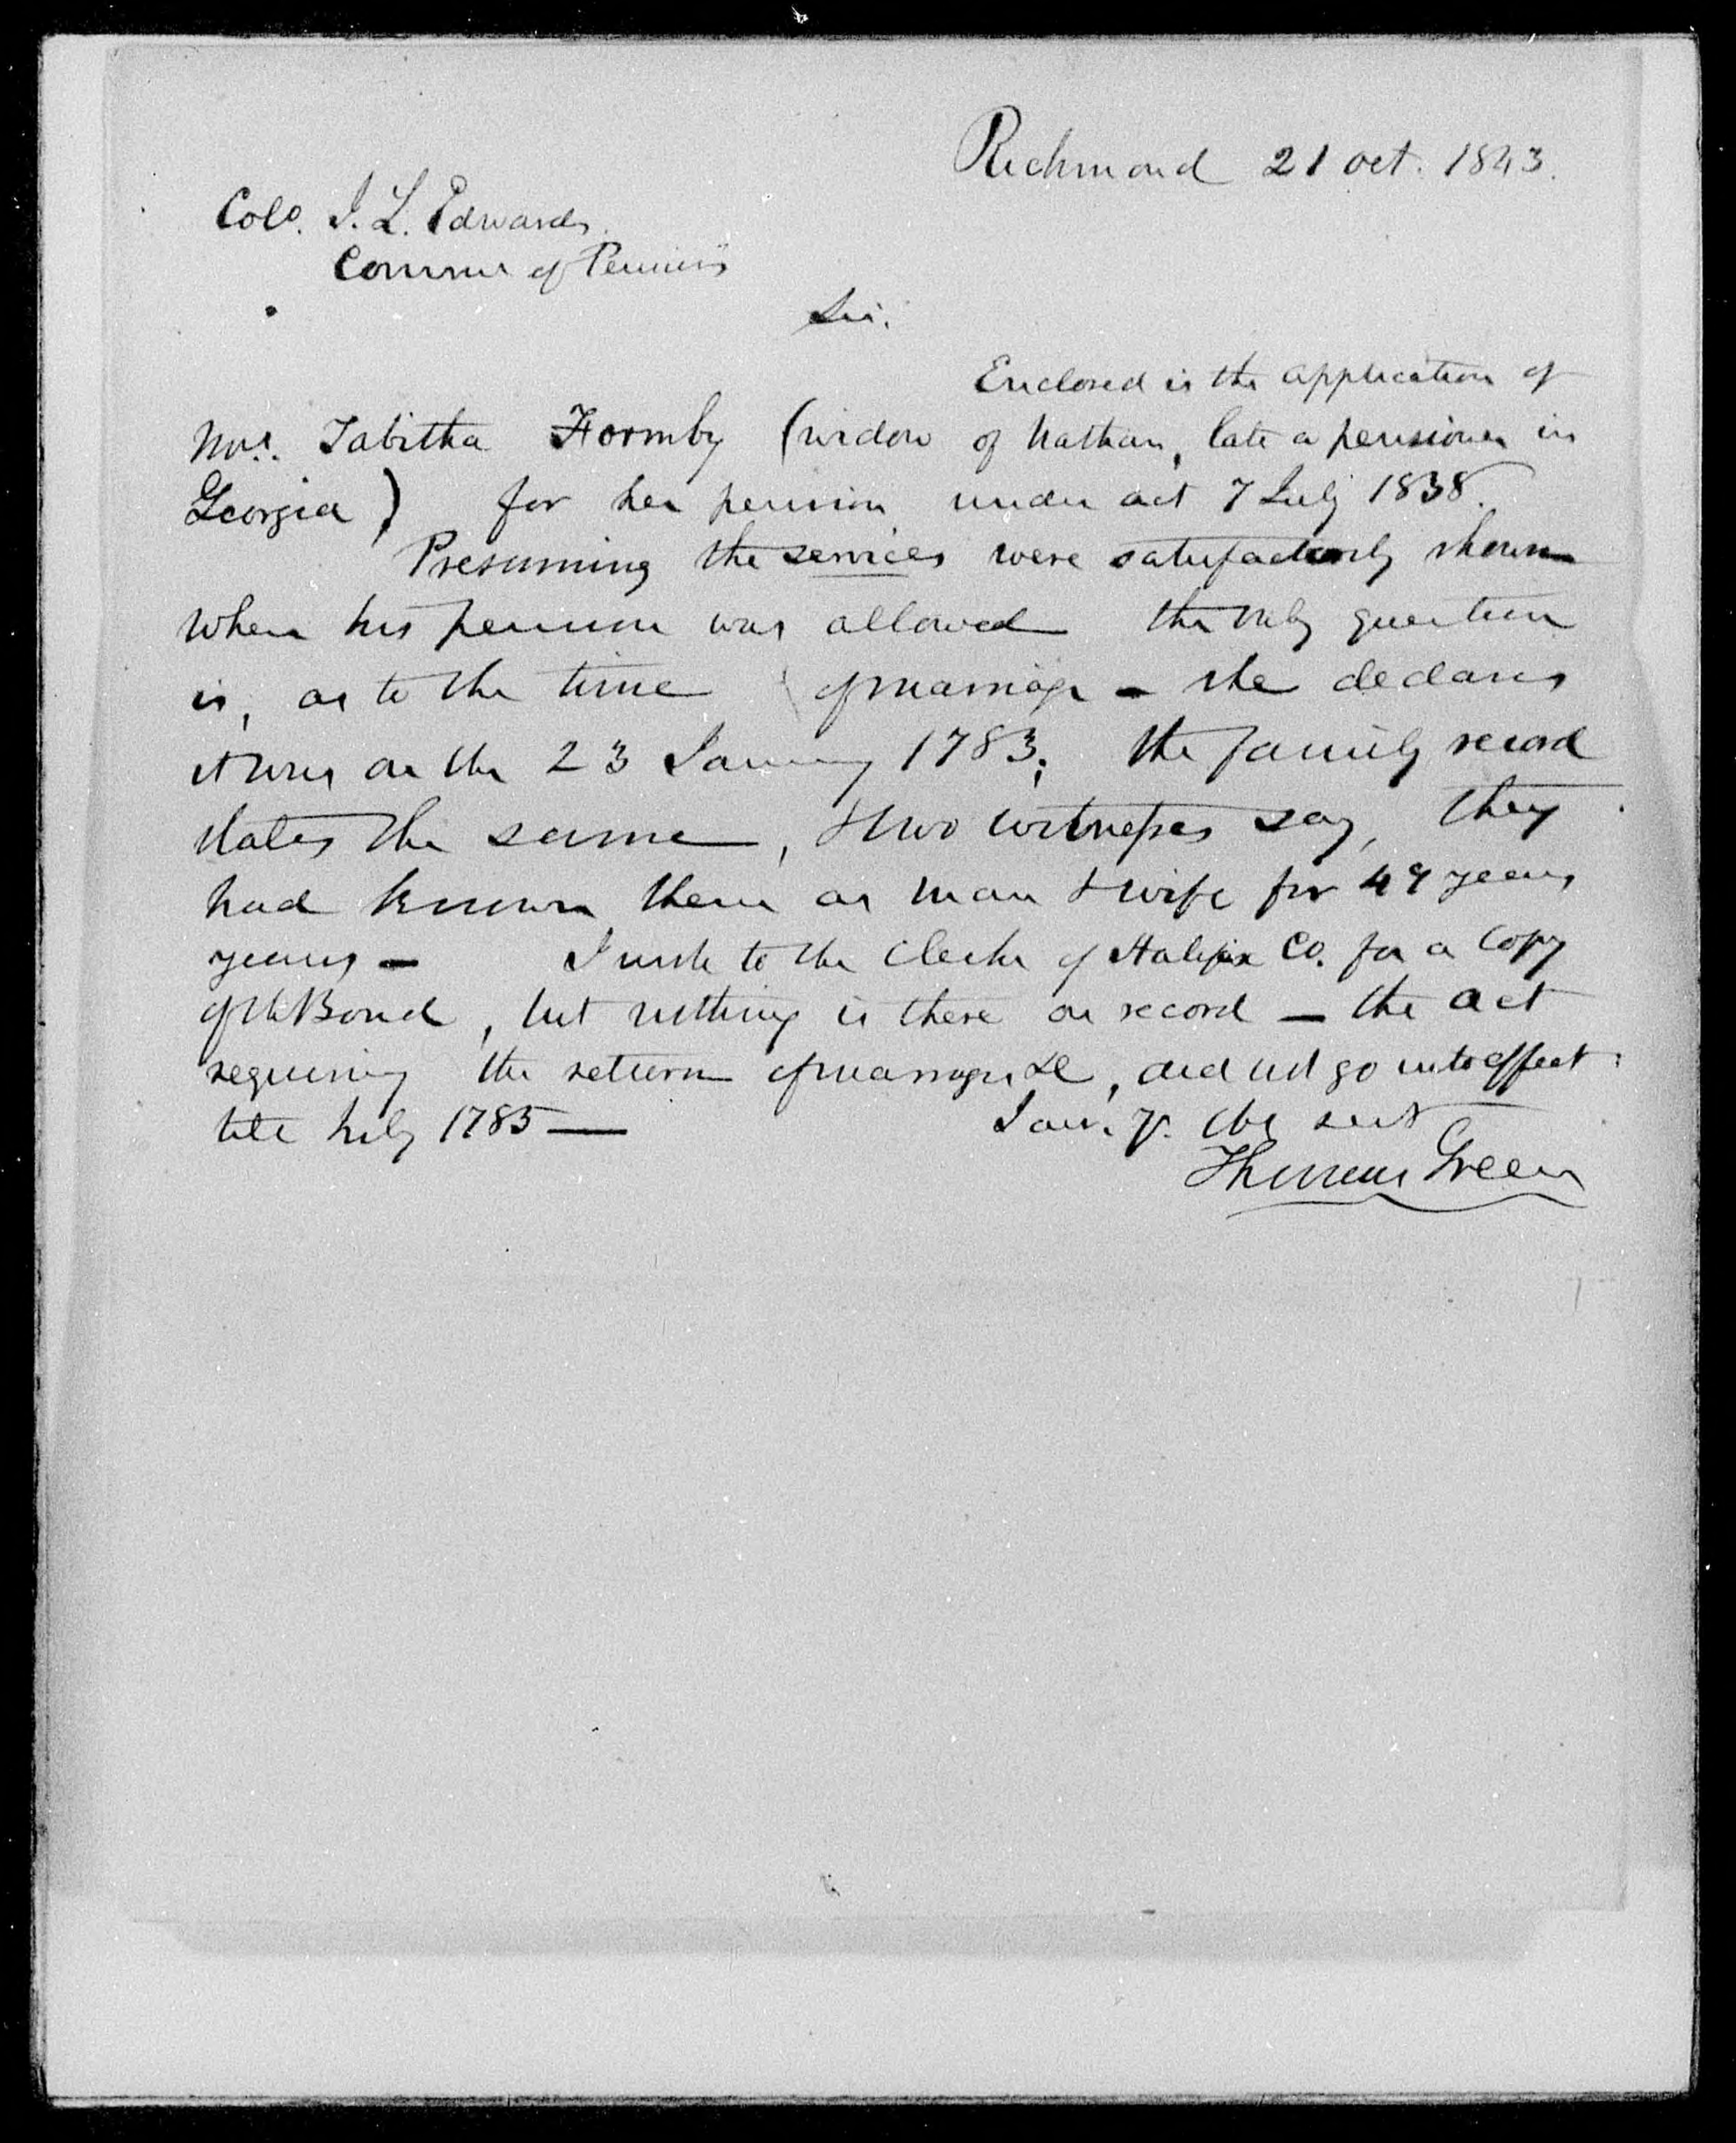Richmond 21 Oct. 1843.

Colo. J. L. Edward
Comm of Penner

Sir.
Enclosed is the application of Mrs. Tabitha Formby (widow of Nathan, late a pensioner in Georgia) for her pension, under act 7 July 1838.

Presuming the services were satisfactorly shown when his pension was allowed the my question is, as to the time of marriage - the declares it was on the 23 Jany 1783; the family record states the same, two witnesses say, they
had known them as man & wife for 47 years
years - I wish to the Clerk of Halifax Co. for a copy of the Bond, but within is there on record, - the act requiring the return of marriage & did not go into effect till July 1785-

I am, yr. obt. svt.
Thomas Green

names: Thomas Green, J L Edwards, Tabitha Formby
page: 37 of 54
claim: widow's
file: W. 3794, Nathan Formby, Va.